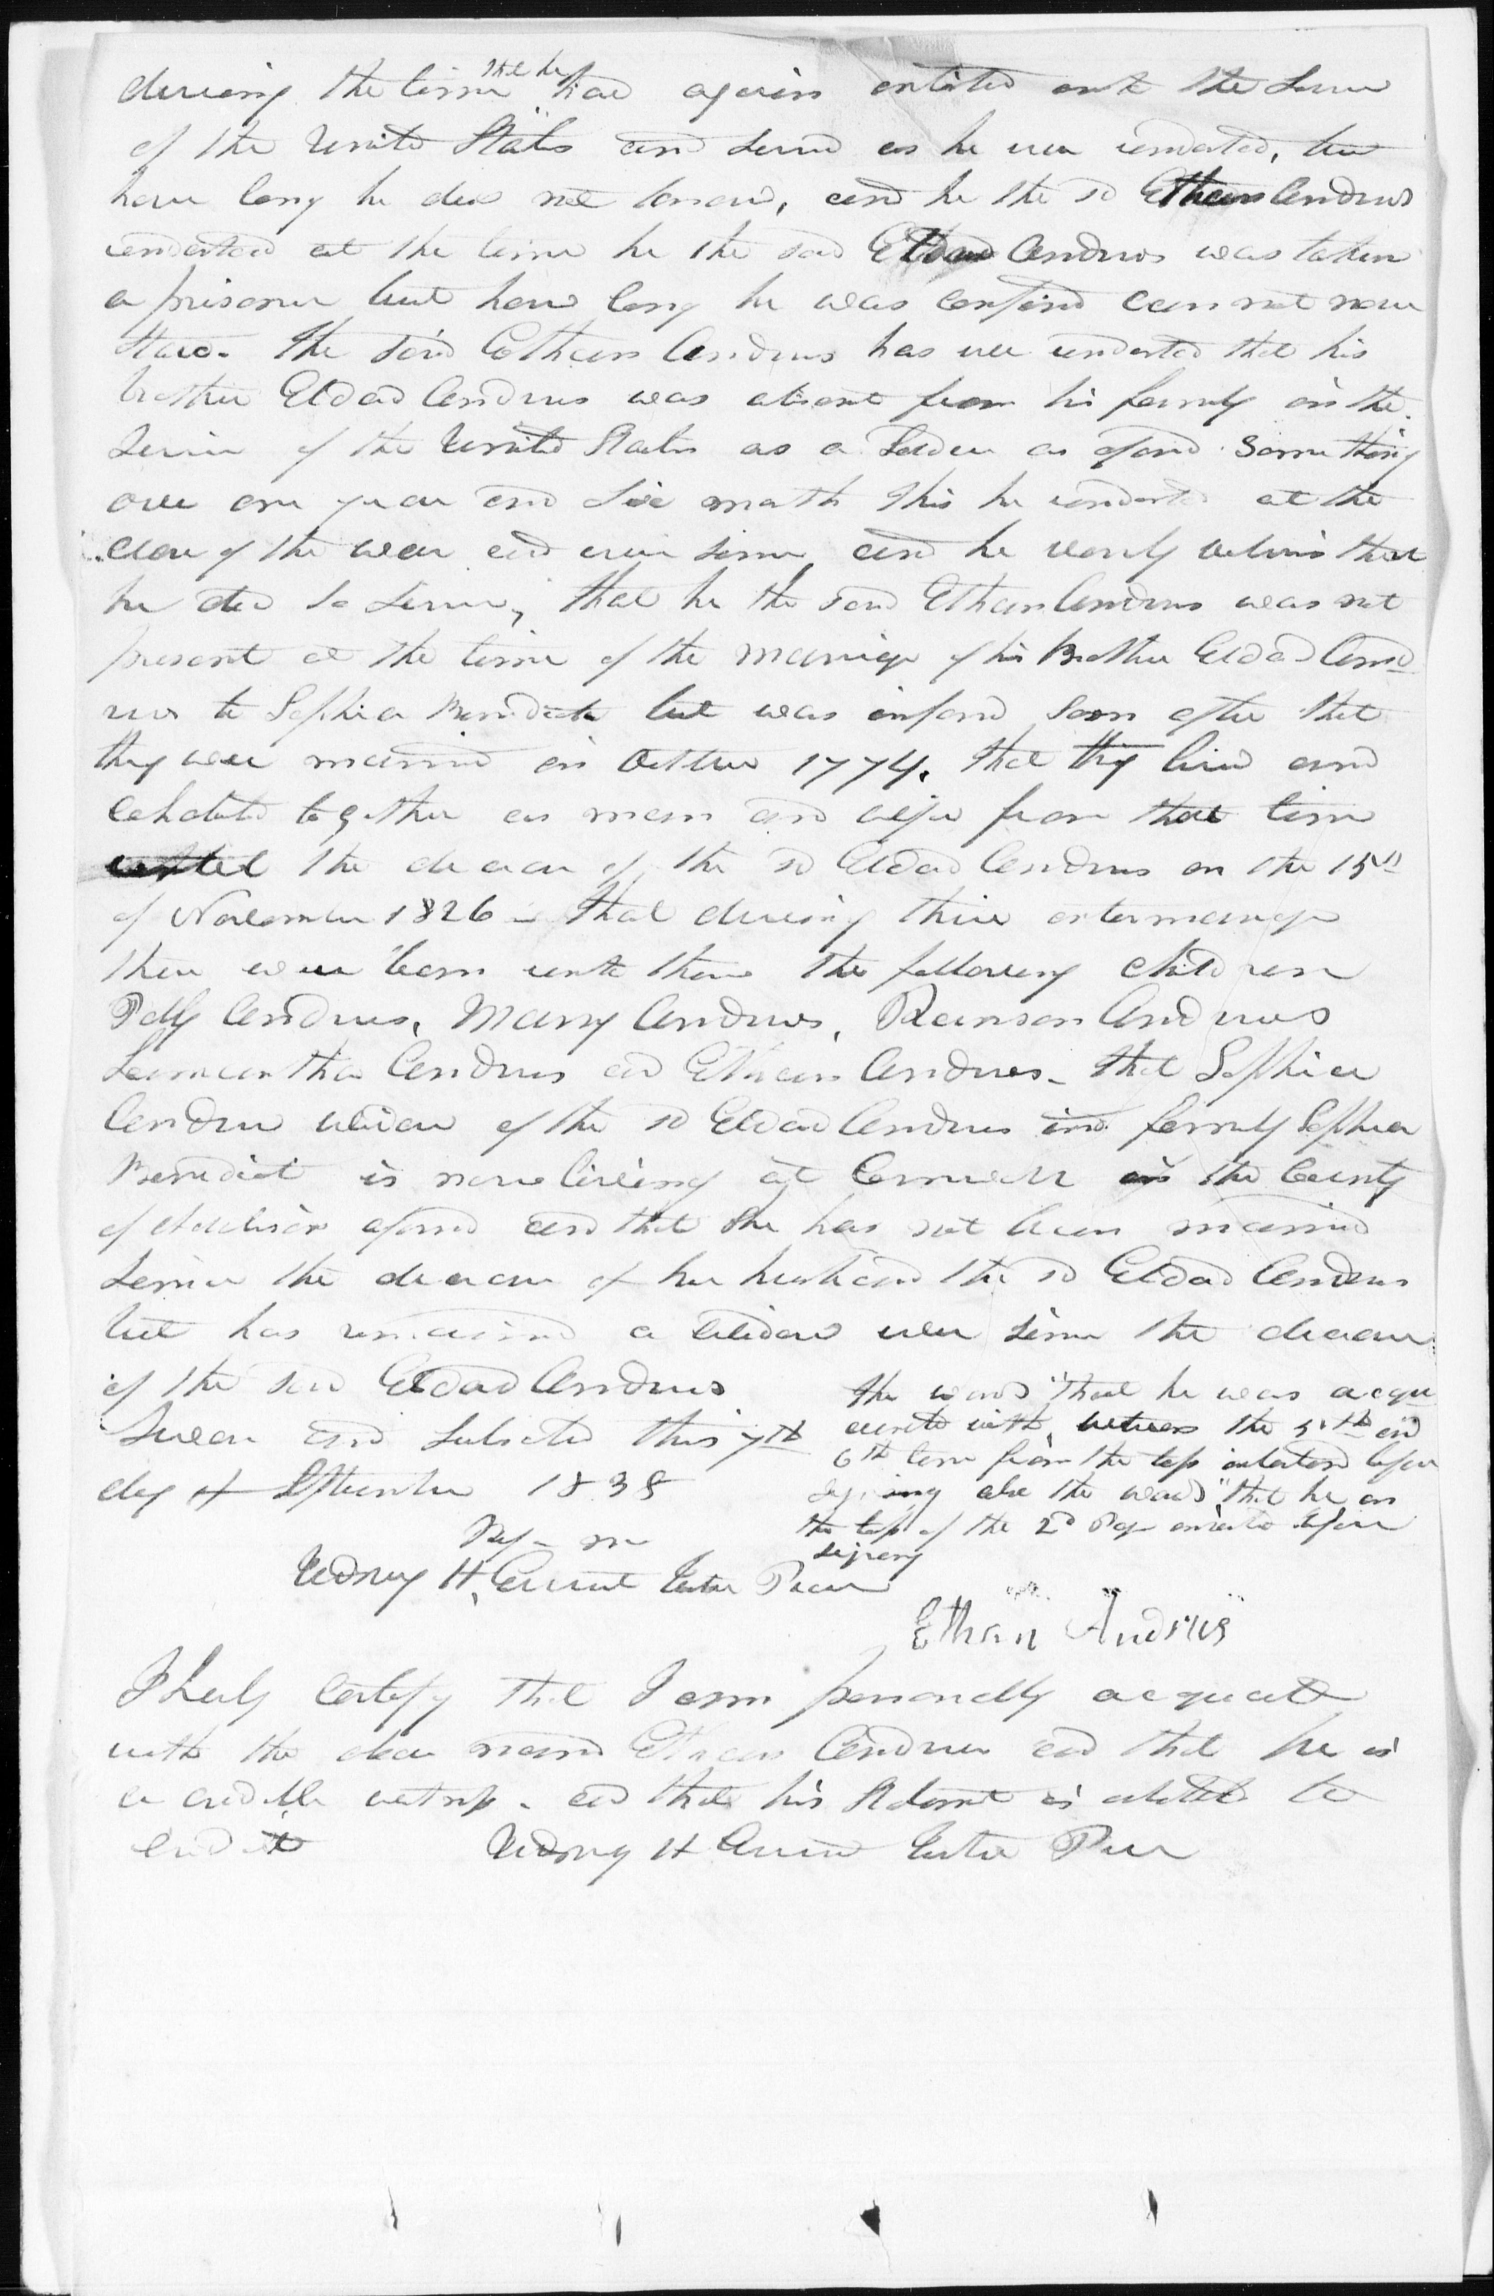during the time that he had again entitled at the same of the United States and served as he was rendered, but how long he did not know, and he the sd their  Ethan Andrews rendered at the time he the said Ethan Andrews was taken
a prisoner but how long he was confined cannot now state -The said Ethan Andrews has all  understand that his brother Eldad Andrews was absent from his family on the
terrain of the United States as a soldier as aforesaid something over one year and he hath this be rendered at the close of the war and even him and he verily believe that
he did to same, that he the said Ethan Andrews was not present at the time of the marriage of his Brother Eldad Andrews to Sophia Bendick but was informed soon the that they were married in a letter 1774. That they live and
cohabited together as man and wife from that time until death of the sd Eldad Andrews on the 15th of November 1826- that during their intermarriage then were born unto them the following children,
Polly Andrews, Mary Andrews, Ransom Andrews,  that Sophia Andrews widow of the said Eldad Andrews in family Sophia
Benedict is now living at Cornell in the County
of Addison aforesaid  and that she has not been married since the death of her husband the sd Eldad Andrews, but has remained a widow ever since the death of the send Eldad Andrews.

Sworn and subscribed this 7th day of September 1838. Before me, Edny H. Everest, Justice of the Peace

The word that he was acquainted with between the 5th and 6th term from the [less] enlisted 
 before July also the war.  "That he as
the less of the 2d day marched before signing
Ethan Andrews


I hereby certify that I am personally acquainted
with the old man Ethan Andrews and that he is a credible witness, and that his brother is dead to
end it
Edny H. Everest, Justice of the Peace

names: Sophia Andru, Ethan Andrus, Eldad Andrus, Udney H Everest, Mary Andrws, Udney H Everst, Ethan Andrus, Polly Andrus, Sophia Benedicta, Ethan Andrus, Ethan Andrus, Ranson Andrws, Ethan Andrus, Sophia Benedict, Eldad Andrus, Eldad Andrus, Eldad Andrws, Eldad Andrus, Leomartha Andrus, Eldad Andrus, Elmar Andrus, Eldad Andrus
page: 8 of 27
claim: rejected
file: R. 223, Eldad Andrus, Vt.